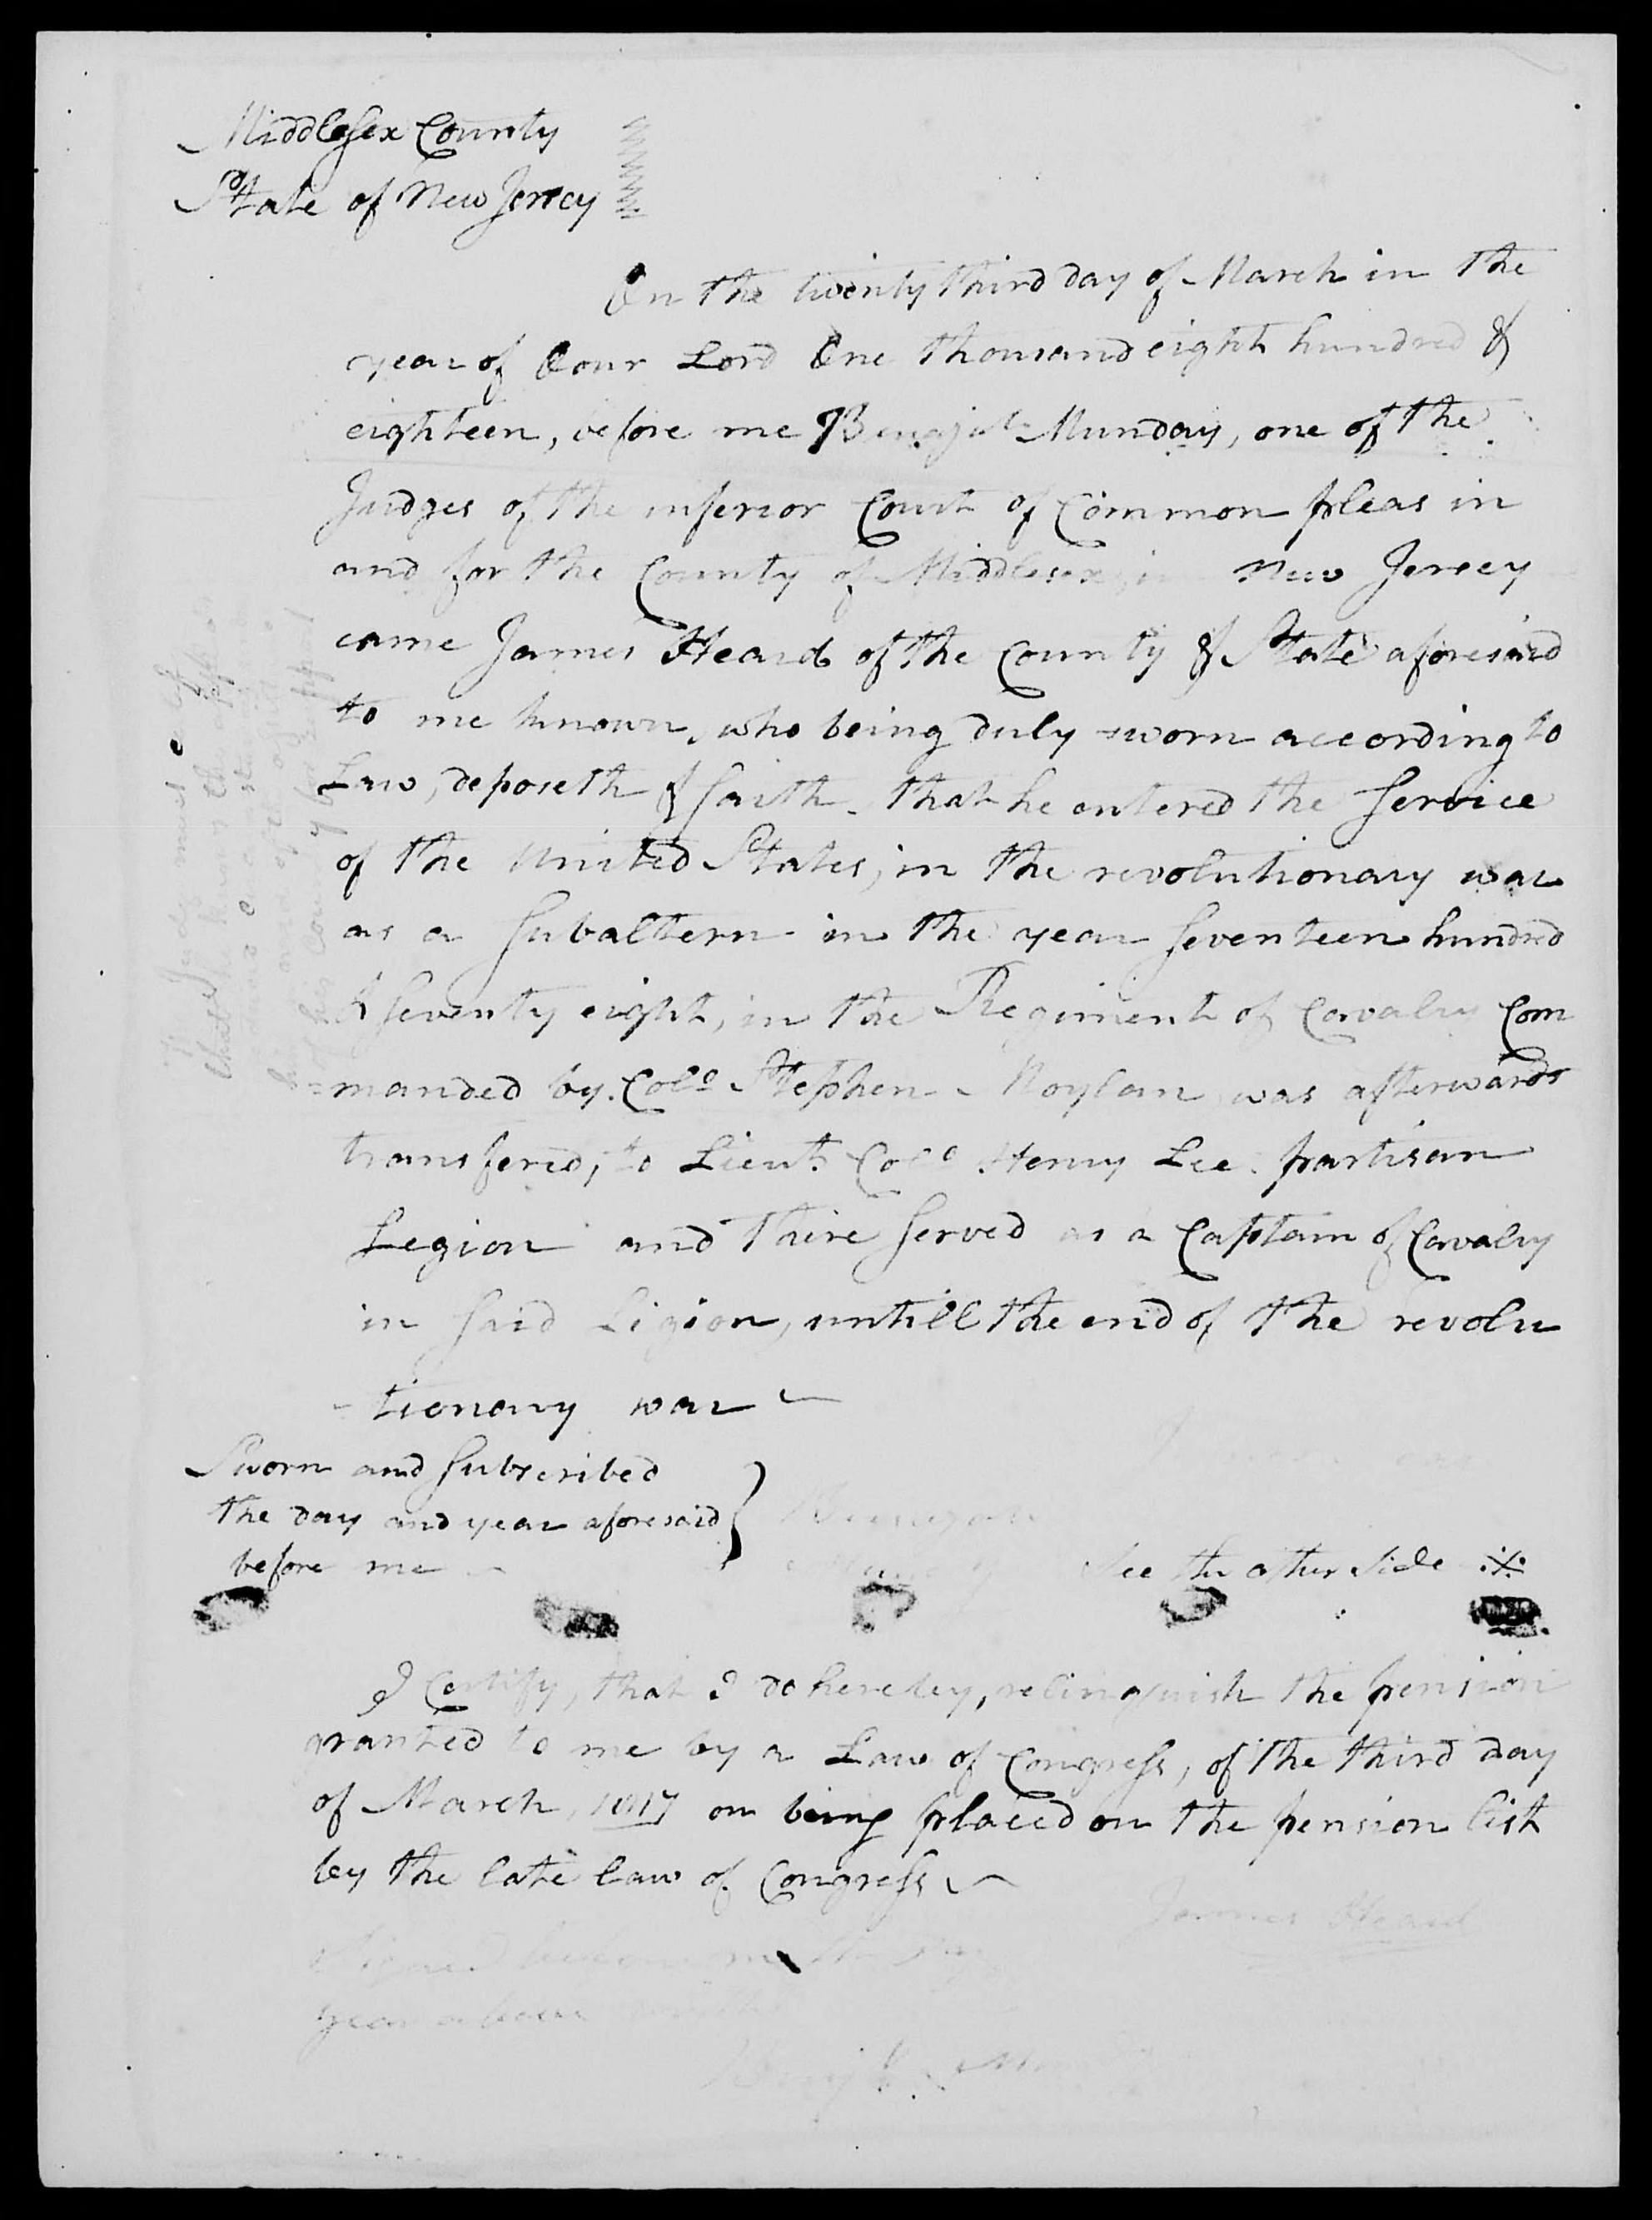Middlesex County
State of New Jersey

On the twenty day of March in the year of our lord one thousand eight hundred and eighteen, before me Benjamin Mundy, one of the Judges of the interior Court of Common Pleas in and for the County of Middlesex in New Jersey, came James Heard of the County of the State aforesaid, who being duly sworn according to law, deposeth of faith that he entered of the United States in the Revolutionary War as a Lieutenant in the year seventeen hundred and seventy eight in the Regiment of Cavalry commanded by Stephen Moylan [and] was afterwards transferred to Lt. Col. Henry Lee’s Legion and [later] served as a Captain of Captain in said Legion [Illegible Ink Marks]. 

Sworn and subscribed the day and year aforesaid before me,

Benjamin Mundy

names: James Heard, James Heard, Stephen Moylan, Benajah Munday, Henry Lee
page: 4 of 62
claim: survivor's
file: S. 540, James Heard, Continental - New Jersey Residence In 1818